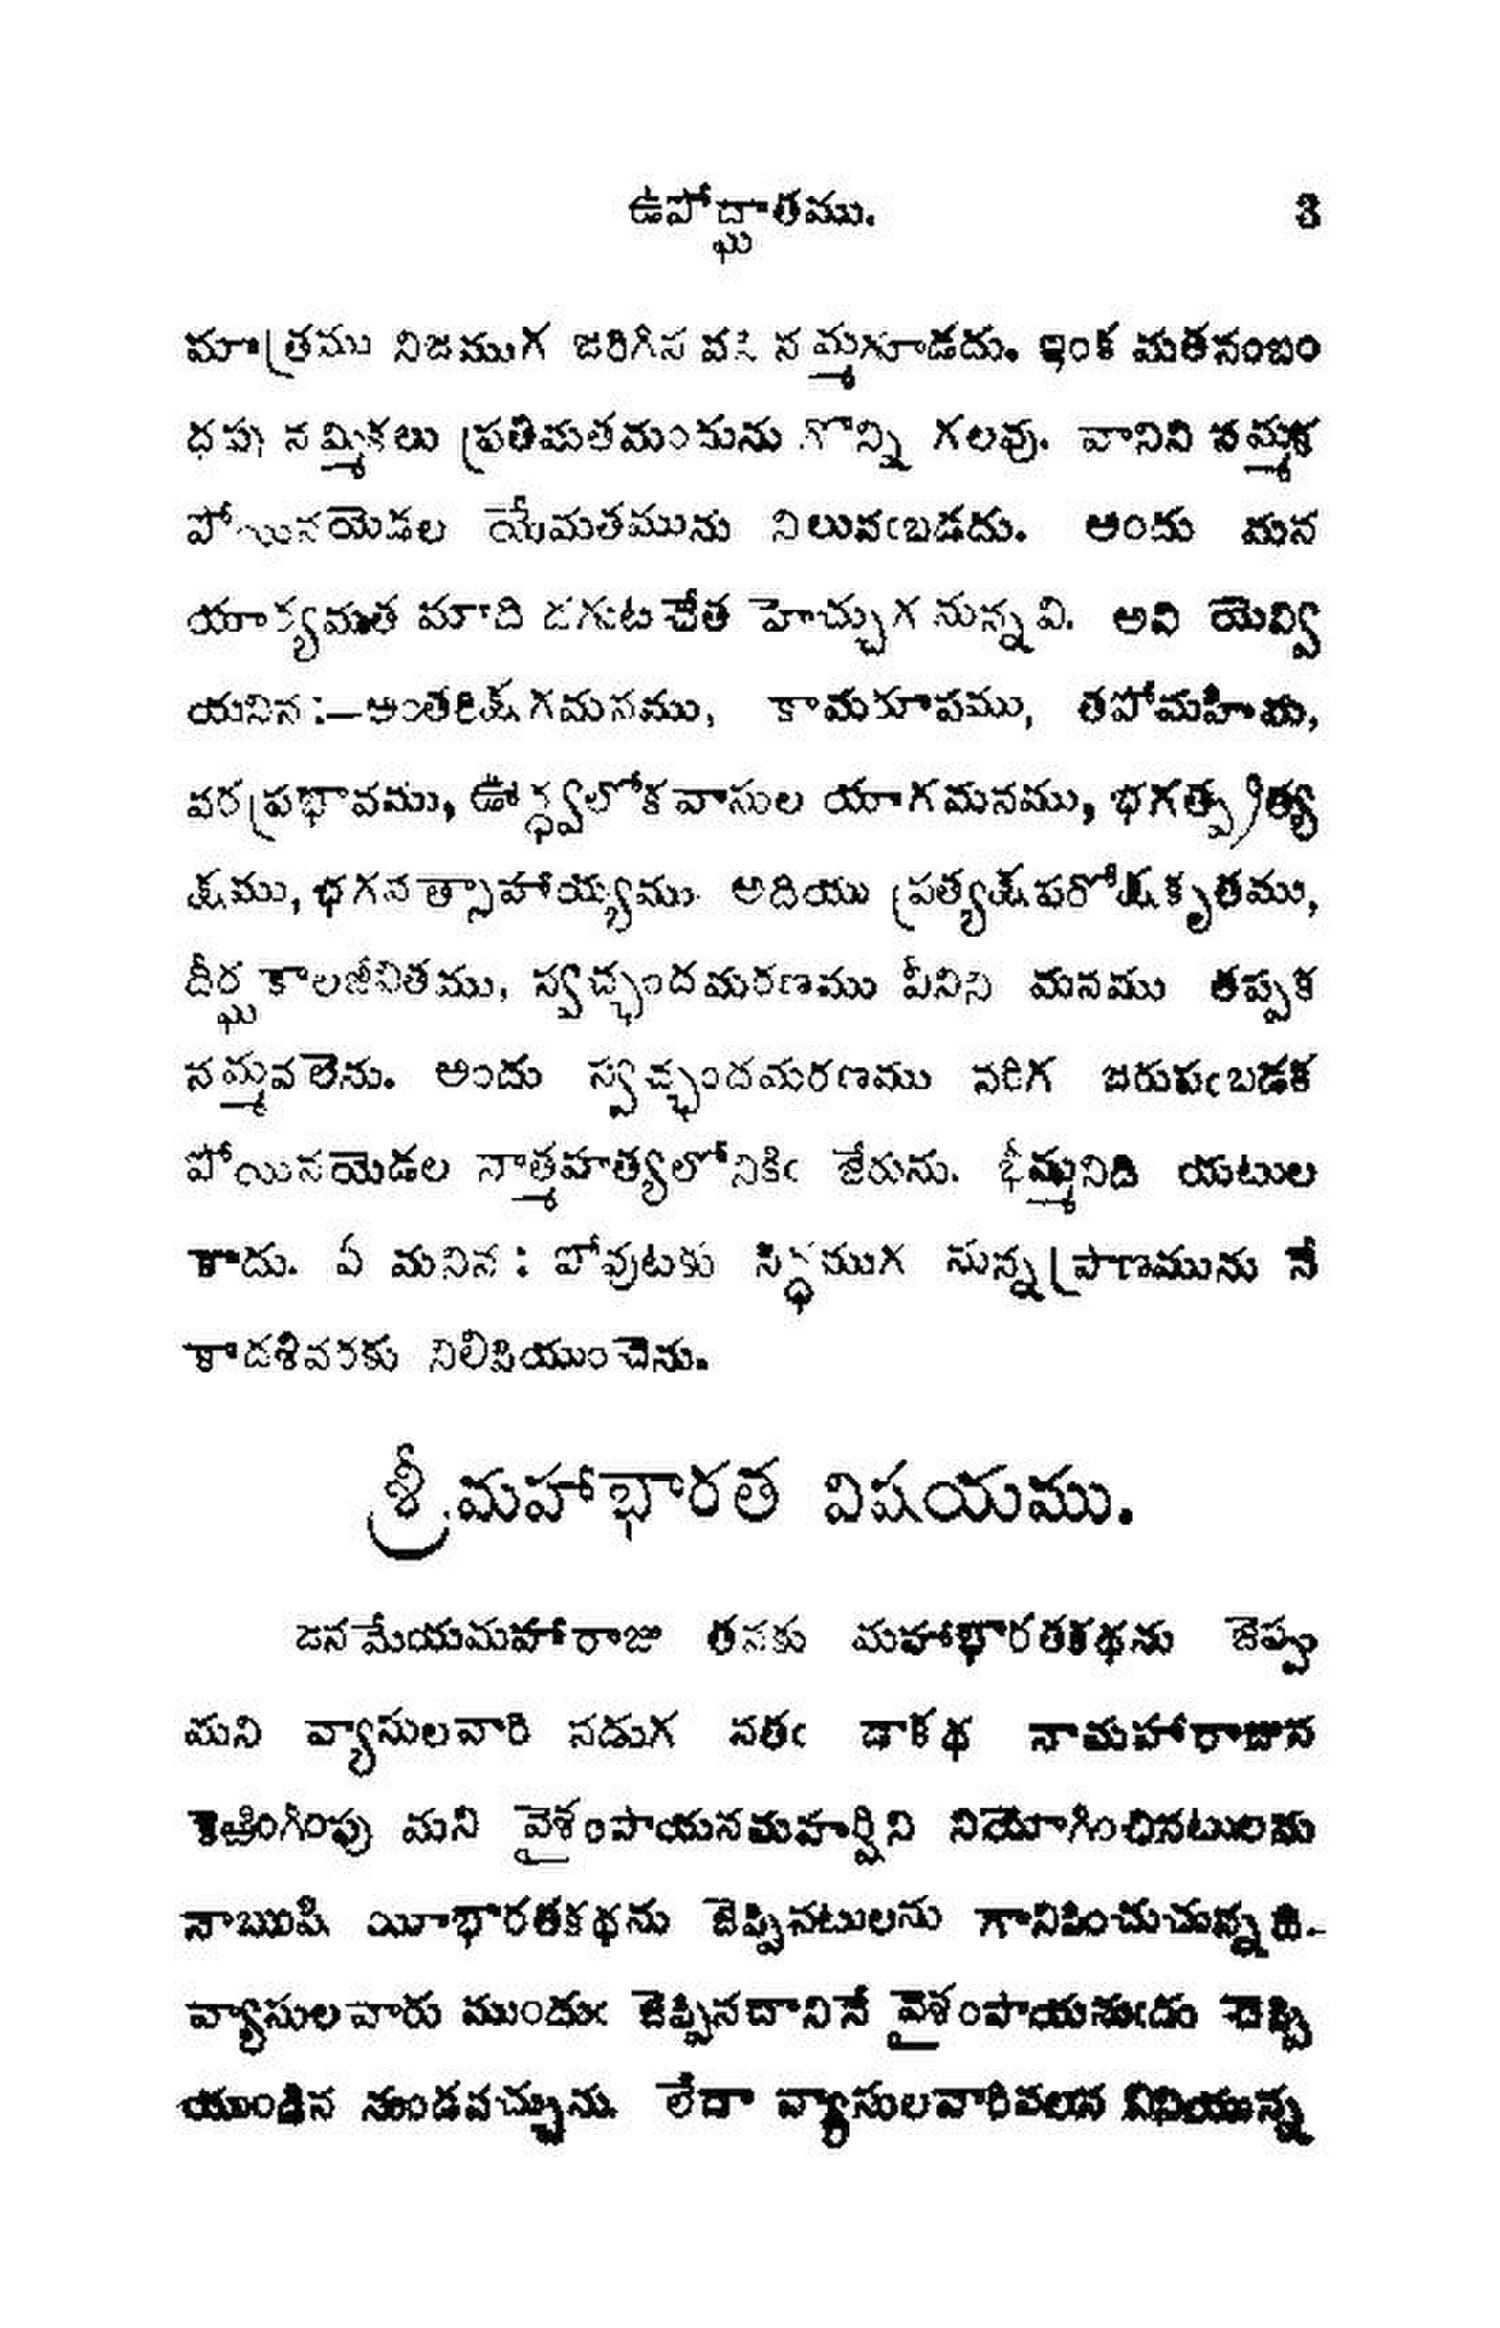మాత్రము నిజముగ జరిగిన వని నమ్మగూడదు. ఇంక మతసంబంధపు నమ్మికలు ప్రతిమతమందును గొన్ని గలవు. వానిని నమ్మకపోయినయెడల యేమతమును నిలువఁబడదు. అందు మన యార్యమత మాది దగుటచేత హెచ్చుగ నున్నవి. అవి యెవ్వి యనిన :- అంతరిక్ష గమనము, కామరూపము, తపోమహిమ, వరప్రభావము, ఊర్ధ్వలోకవాసుల యాగమనము, భగత్ప్రత్యక్షము, భగవత్సాహాయ్యము, అదియు ప్రత్యక్షపరోక్షకృతము, దీర్ఘకాలజీవితము, స్వచ్ఛందమరణము వీనిని మనము తప్పక నమ్మవలెను. అందు స్వచ్ఛందమరణము సరిగ జరుపఁబడక పోయినయెడల నాత్మహత్యలోనికిఁ జేరును. భీష్మునిది యటుల కాదు. ఏ మనిన; పోవుటకు సిద్ధముగ నున్నప్రాణమును నేకాదశివరకు నిలిపియుంచెను.

శ్రీమహాభారత విషయము.

జనమేయమహారాజు తనకు మహాభారతకథను జెప్పుమని వ్యాసులవారి నడుగ నతఁ డాకథ నామహారాజున కెఱింగింపు మని వైశంపాయనమహర్షిని నియోగించినటులను నాఋషి యీభారతకథను జెప్పినటులను గానిపించుచున్నది. వ్యాసులవారు ముందుఁ జెప్పినదానినే వైశంపాయనుఁడు చెప్పి యుండిన నుండవచ్చును. లేదా వ్యాసులవారివలన వినియున్న